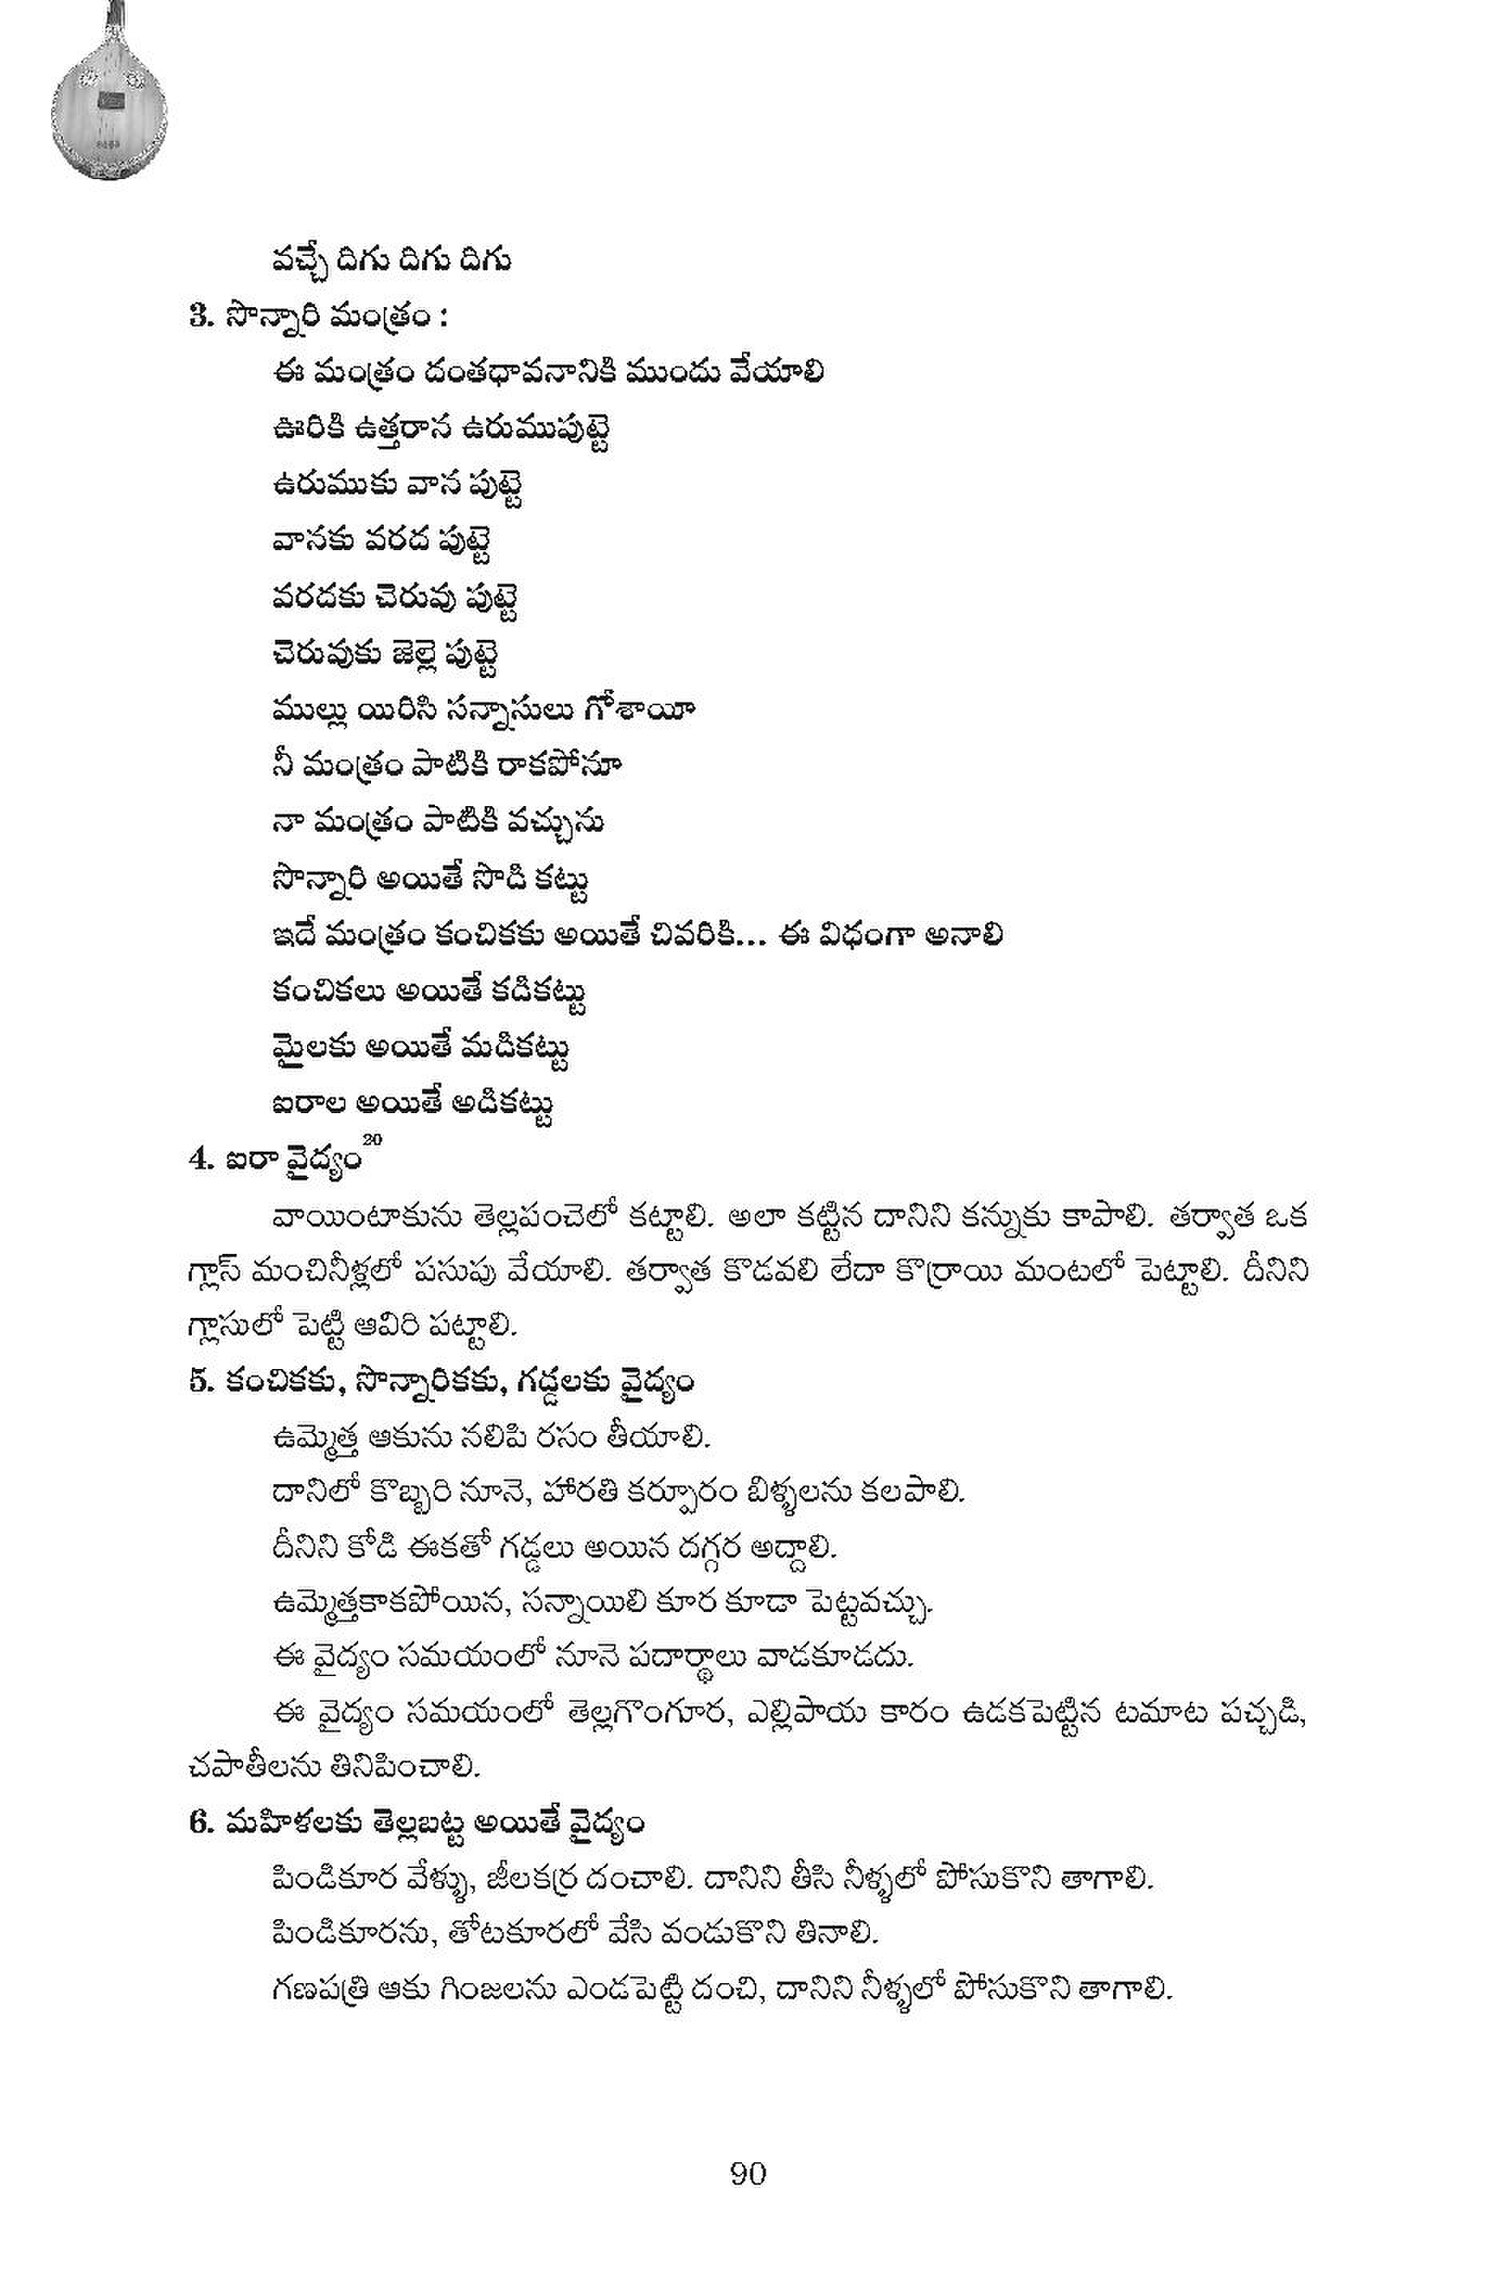వచ్చే దిగు దిగు దిగు

3. సొన్నారి మంత్రం :
ఈ మంత్రం దంతధావనానికి ముందు వేయాలి
ఊరికి ఉత్తరాన ఉరుముపుట్టె
ఉరుముకు వాన పుట్టె
వానకు వరద పుట్టె
వరదకు చెరువు పుట్టె
చెరువుకు జెల్లె పుట్టె
ముల్లు యిరిసి సన్నాసులు గోశాయీ
నీ మంత్రం పాటికి రాకపోనూ
నా మంత్రం పాటికి వచ్చును
సొన్నారి అయితే సొడి కట్టు
ఇదే మంత్రం కంచికకు అయితే చివరికి... ఈ విధంగా అనాలి
కంచికలు అయితే కడికట్టు
మైలకు అయితే మడికట్టు
ఐరాల అయితే అడికట్టు 

4. ఐరా వైద్యం20

వాయింటాకును తెల్లపంచెలో కట్టాలి. అలా కట్టిన దానిని కన్నుకు కాపాలి. తర్వాత ఒక గ్లాస్ మంచినీళ్లలో పసుపు వేయాలి. తర్వాత కొడవలి లేదా కొర్రాయి మంటలో పెట్టాలి. దీనిని గ్లాసులో పెట్టి ఆవిరి పట్టాలి.

5. కంచికకు, సొన్నారికకు, గడ్డలకు వైద్యం 

ఉమ్మెత్త ఆకును నలిపి రసం తీయాలి.
దానిలో కొబ్బరి నూనె, హారతి కర్పూరం బిళ్ళలను కలపాలి.
దీనిని కోడి ఈకతో గడ్డలు అయిన దగ్గర అద్దాలి.
ఉమ్మెత్తకాకపోయిన, సన్నాయిలి కూర కూడా పెట్టవచ్చు.
ఈ వైద్యం సమయంలో నూనె పదార్థాలు వాడకూడదు.

ఈ వైద్యం సమయంలో తెల్లగొంగూర, ఎల్లిపాయ కారం ఉడకపెట్టిన టమాట పచ్చడి, చపాతీలను తినిపించాలి.

6. మహిళలకు తెల్లబట్ట అయితే వైద్యం 

పిండికూర వేళ్ళు, జీలకర్ర దంచాలి. దానిని తీసి నీళ్ళలో పోసుకొని తాగాలి.
పిండికూరను, తోటకూరలో వేసి వండుకొని తినాలి.
గణపత్రి ఆకు గింజలను ఎండపెట్టి దంచి, దానిని నీళ్ళలో పోసుకొని తాగాలి.